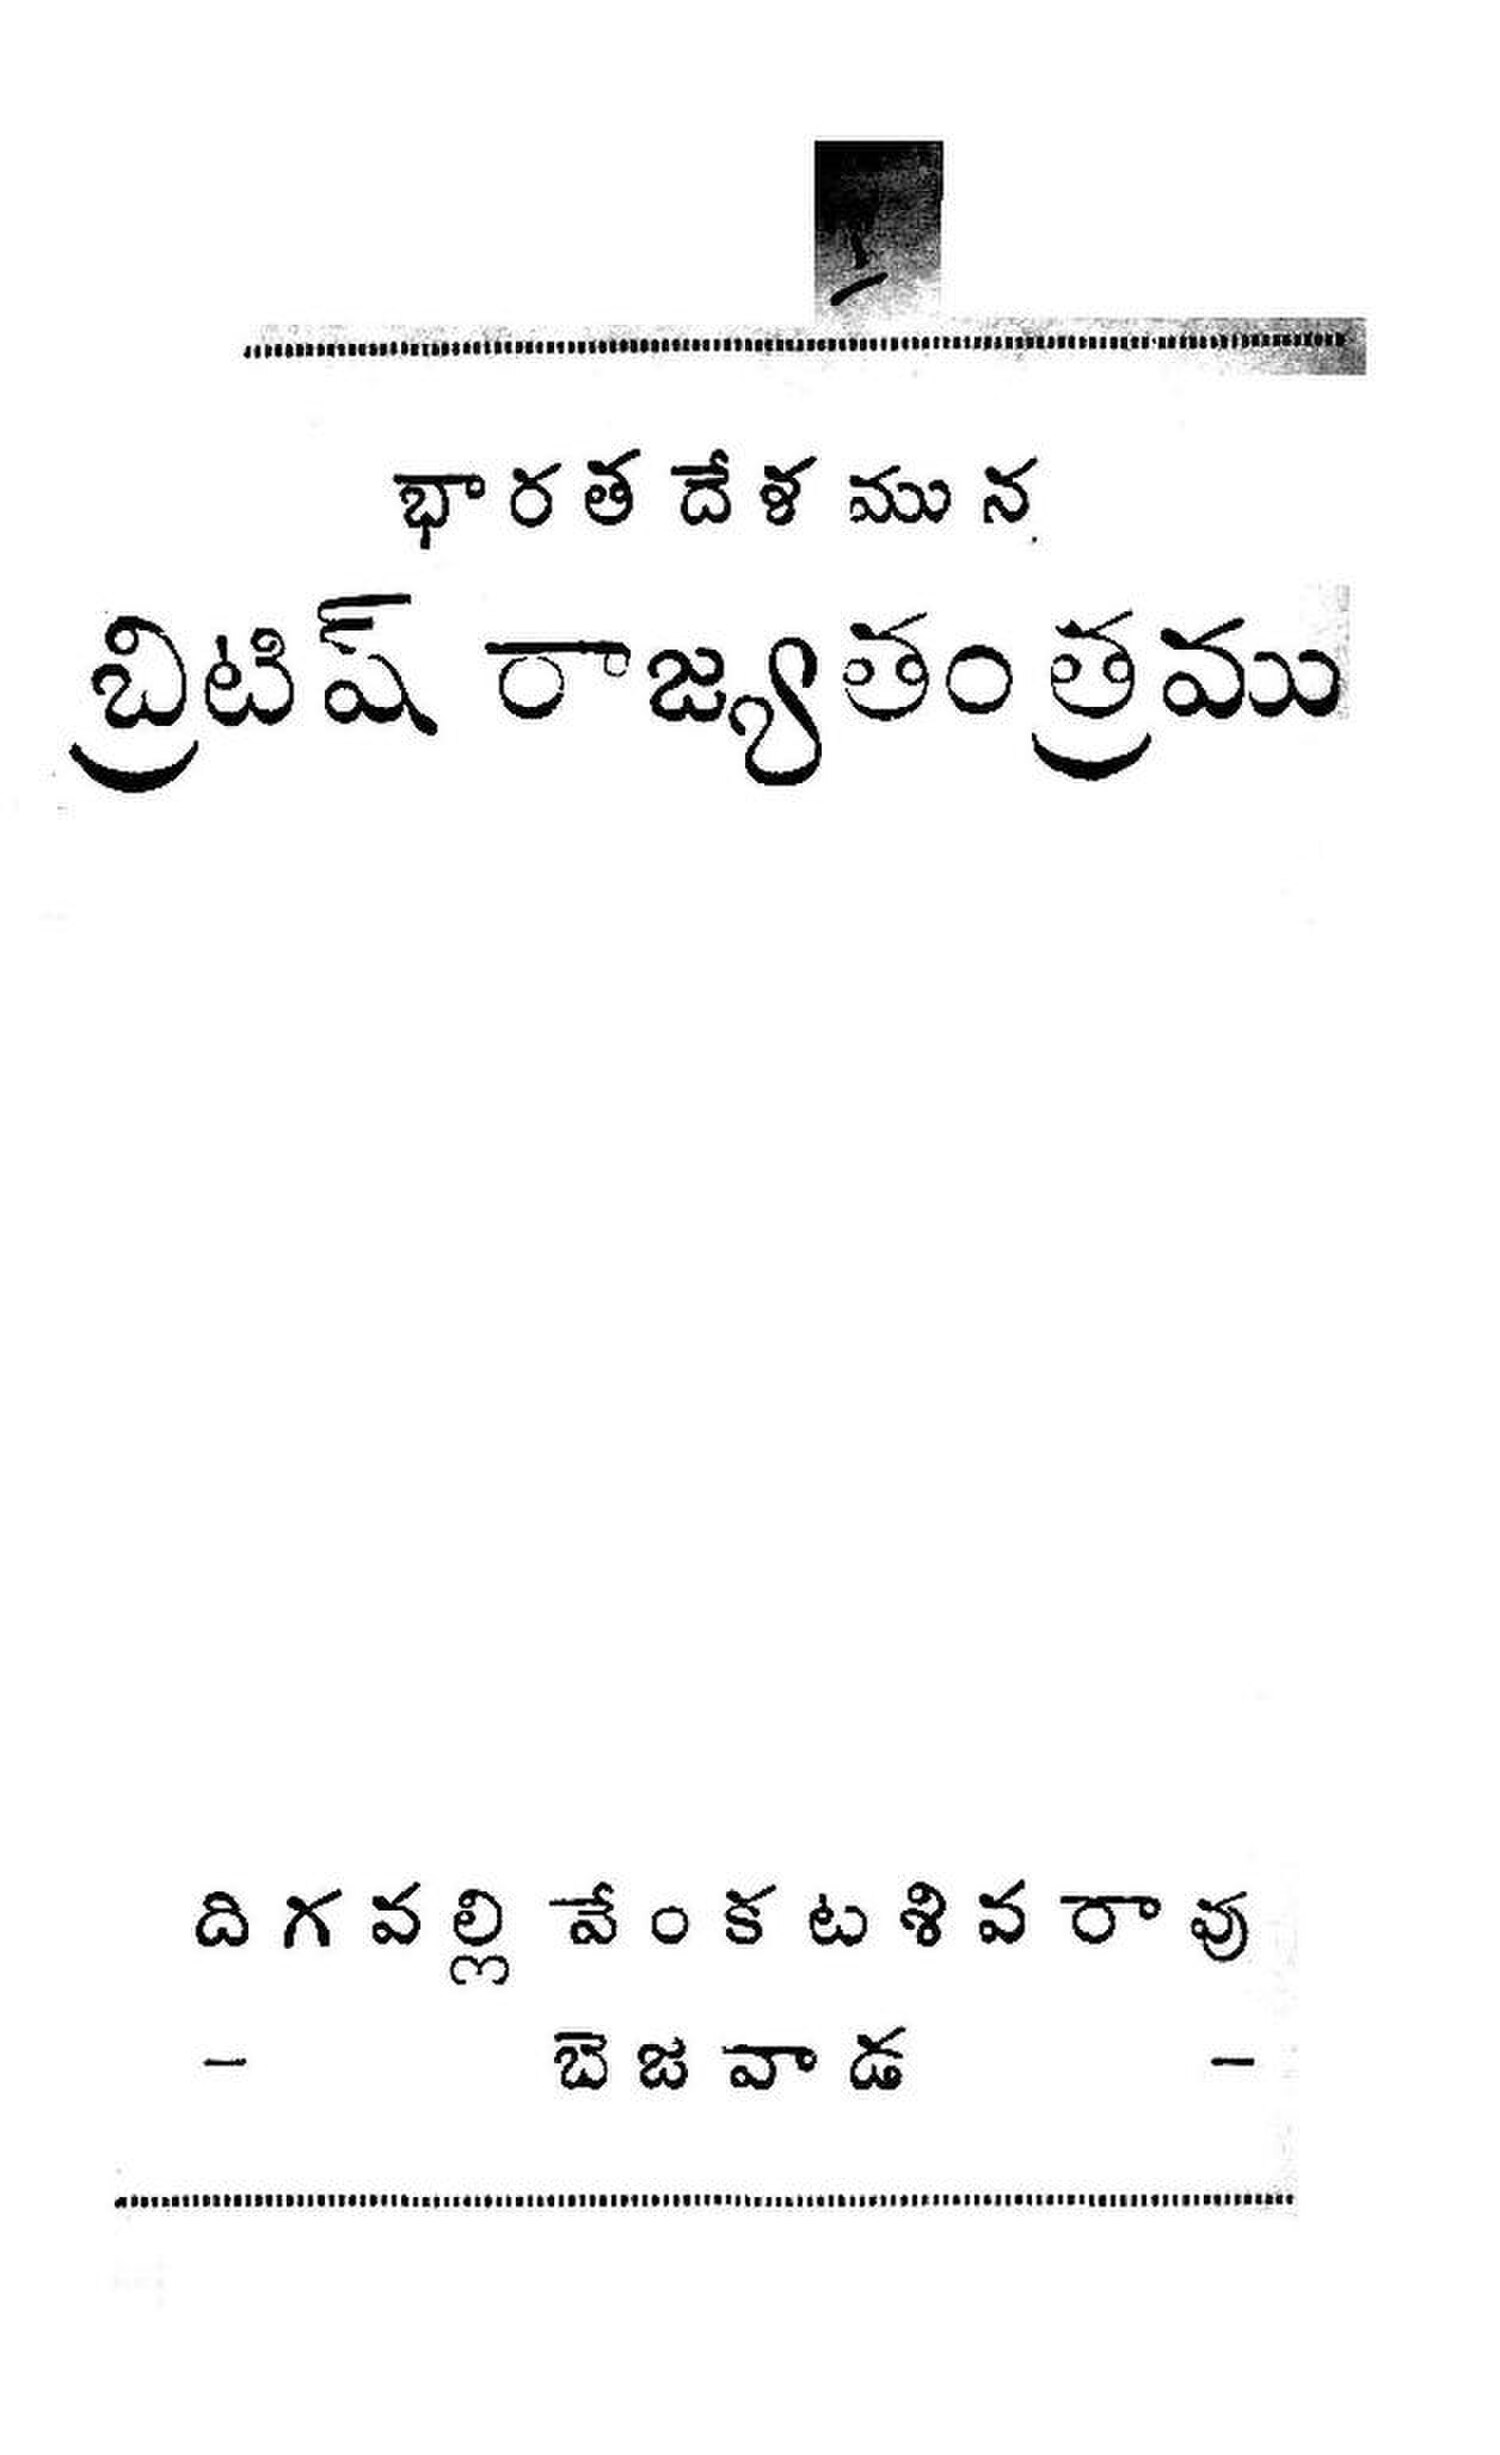భారత దేశమున
బ్రిటిష్ రాజ్యతంత్రము 

దిగవల్లి వేంకటశివరావు 
- బెజవాడ -